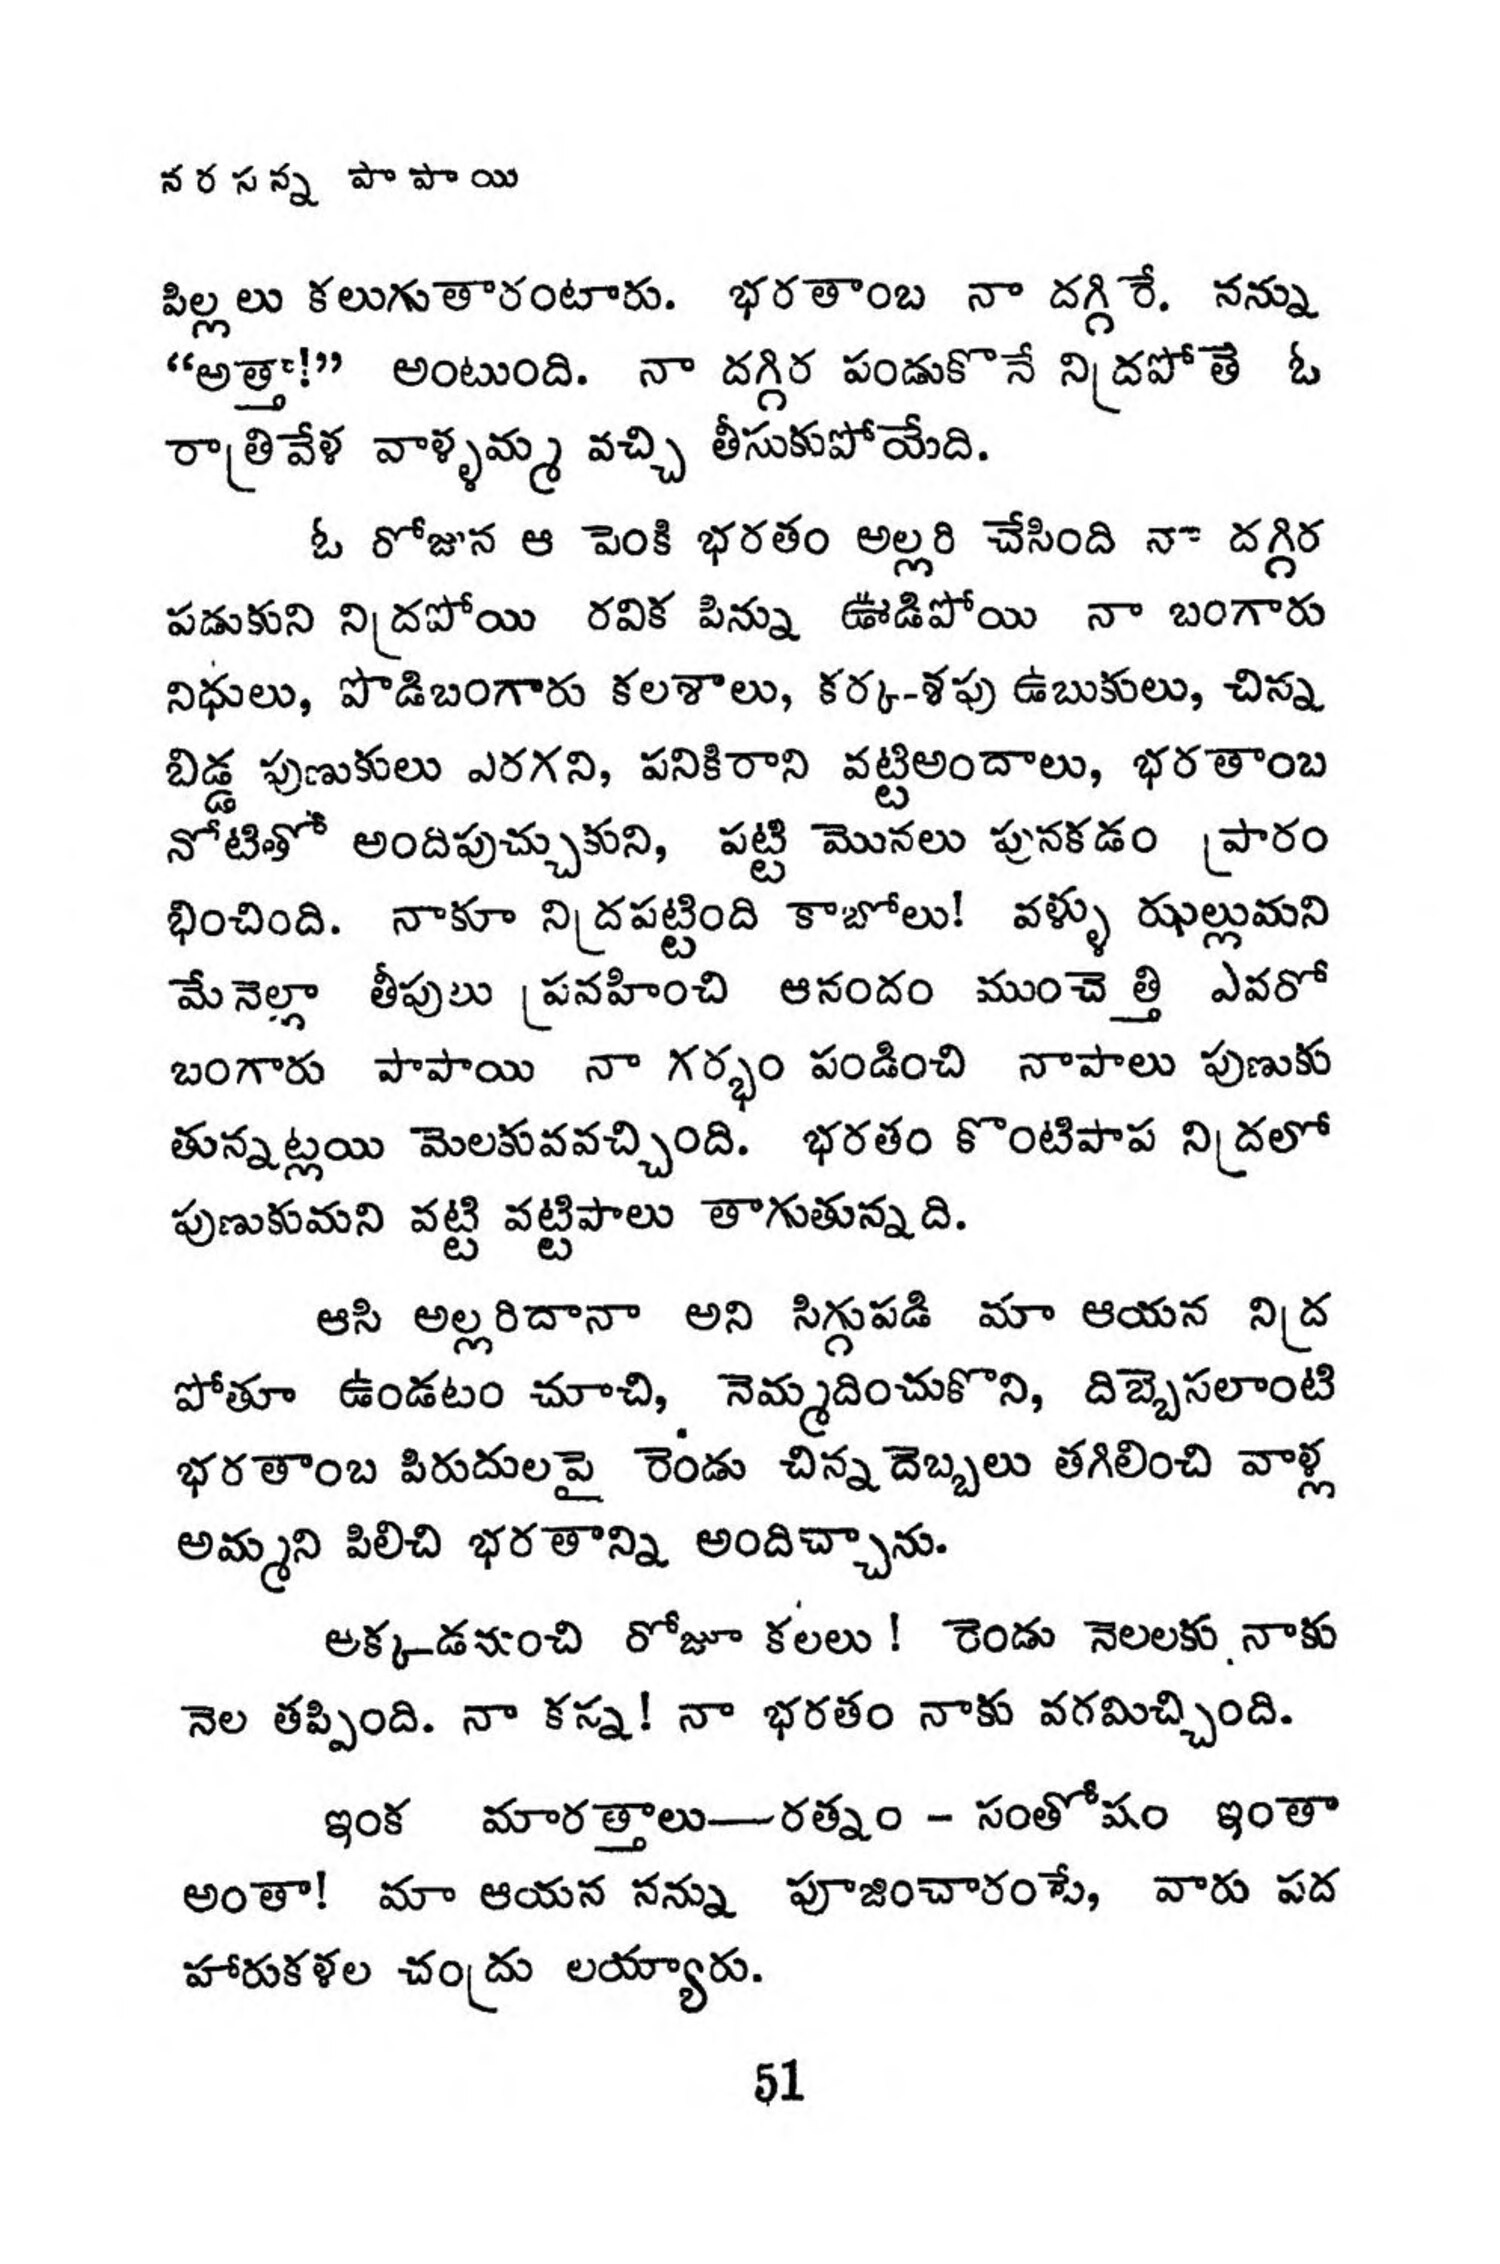పిల్లలు కలుగుతారంటారు. భరతాంబ నా దగ్గిరే. నన్ను "అత్తా!" అంటుంది. నా దగ్గిర పండుకొనే నిద్రపోతే ఓ రాత్రివేళ వాళ్ళమ్మ వచ్చి తీసుకుపోయేది.

ఓ రోజున ఆ పెంకి భరతం అల్లరి చేసింది నా దగ్గిర పడుకుని నిద్రపోయి రవిక పిన్ను ఊడిపోయి నా బంగారు నిధులు, పొడిబంగారు కలశాలు, కర్కశపు ఉబుకులు, చిన్న బిడ్డ పుణుకులు ఎరగని, పనికిరాని వట్టి అందాలు, భరతాంబ నోటితో అందిపుచ్చుకుని, పట్టి మొనలు పునకడం ప్రారంభించింది. నాకూ నిద్రపట్టింది కాబోలు ! వళ్ళు ఝల్లుమని మేనెల్లా తీపులు ప్రవహించి ఆనందం ముంచెత్తి ఎవరో బంగారు పాపాయి నా గర్భం పండించి నాపాలు పుణుకుతున్నట్లయి మెలకువవచ్చింది. భరతం కొంటిపాప నిద్రలో పుణుకుమని వట్టి వట్టిపాలు తాగుతున్నది.

ఆసి అల్లరిదానా అని సిగ్గుపడి మా ఆయన నిద్రపోతూ ఉండటం చూచి, నెమ్మదించుకొని, దిబ్బెసలాంటి భరతాంబ పిరుదులపై రెండు చిన్నదెబ్బలు తగిలించి వాళ్ల అమ్మని పిలిచి భరతాన్ని అందిచ్చాను.

అక్కడనుంచి రోజూ కలలు! రెండు నెలలకు నాకు నెల తప్పింది. నా కన్న ! నా భరతం నాకు వరమిచ్చింది.

ఇంక మారత్తాలు - రత్నం - సంతోషం ఇంతా అంతా! మా ఆయన నన్ను పూజించారంటే, వారు పదహారుకళల చంద్రు లయ్యారు.